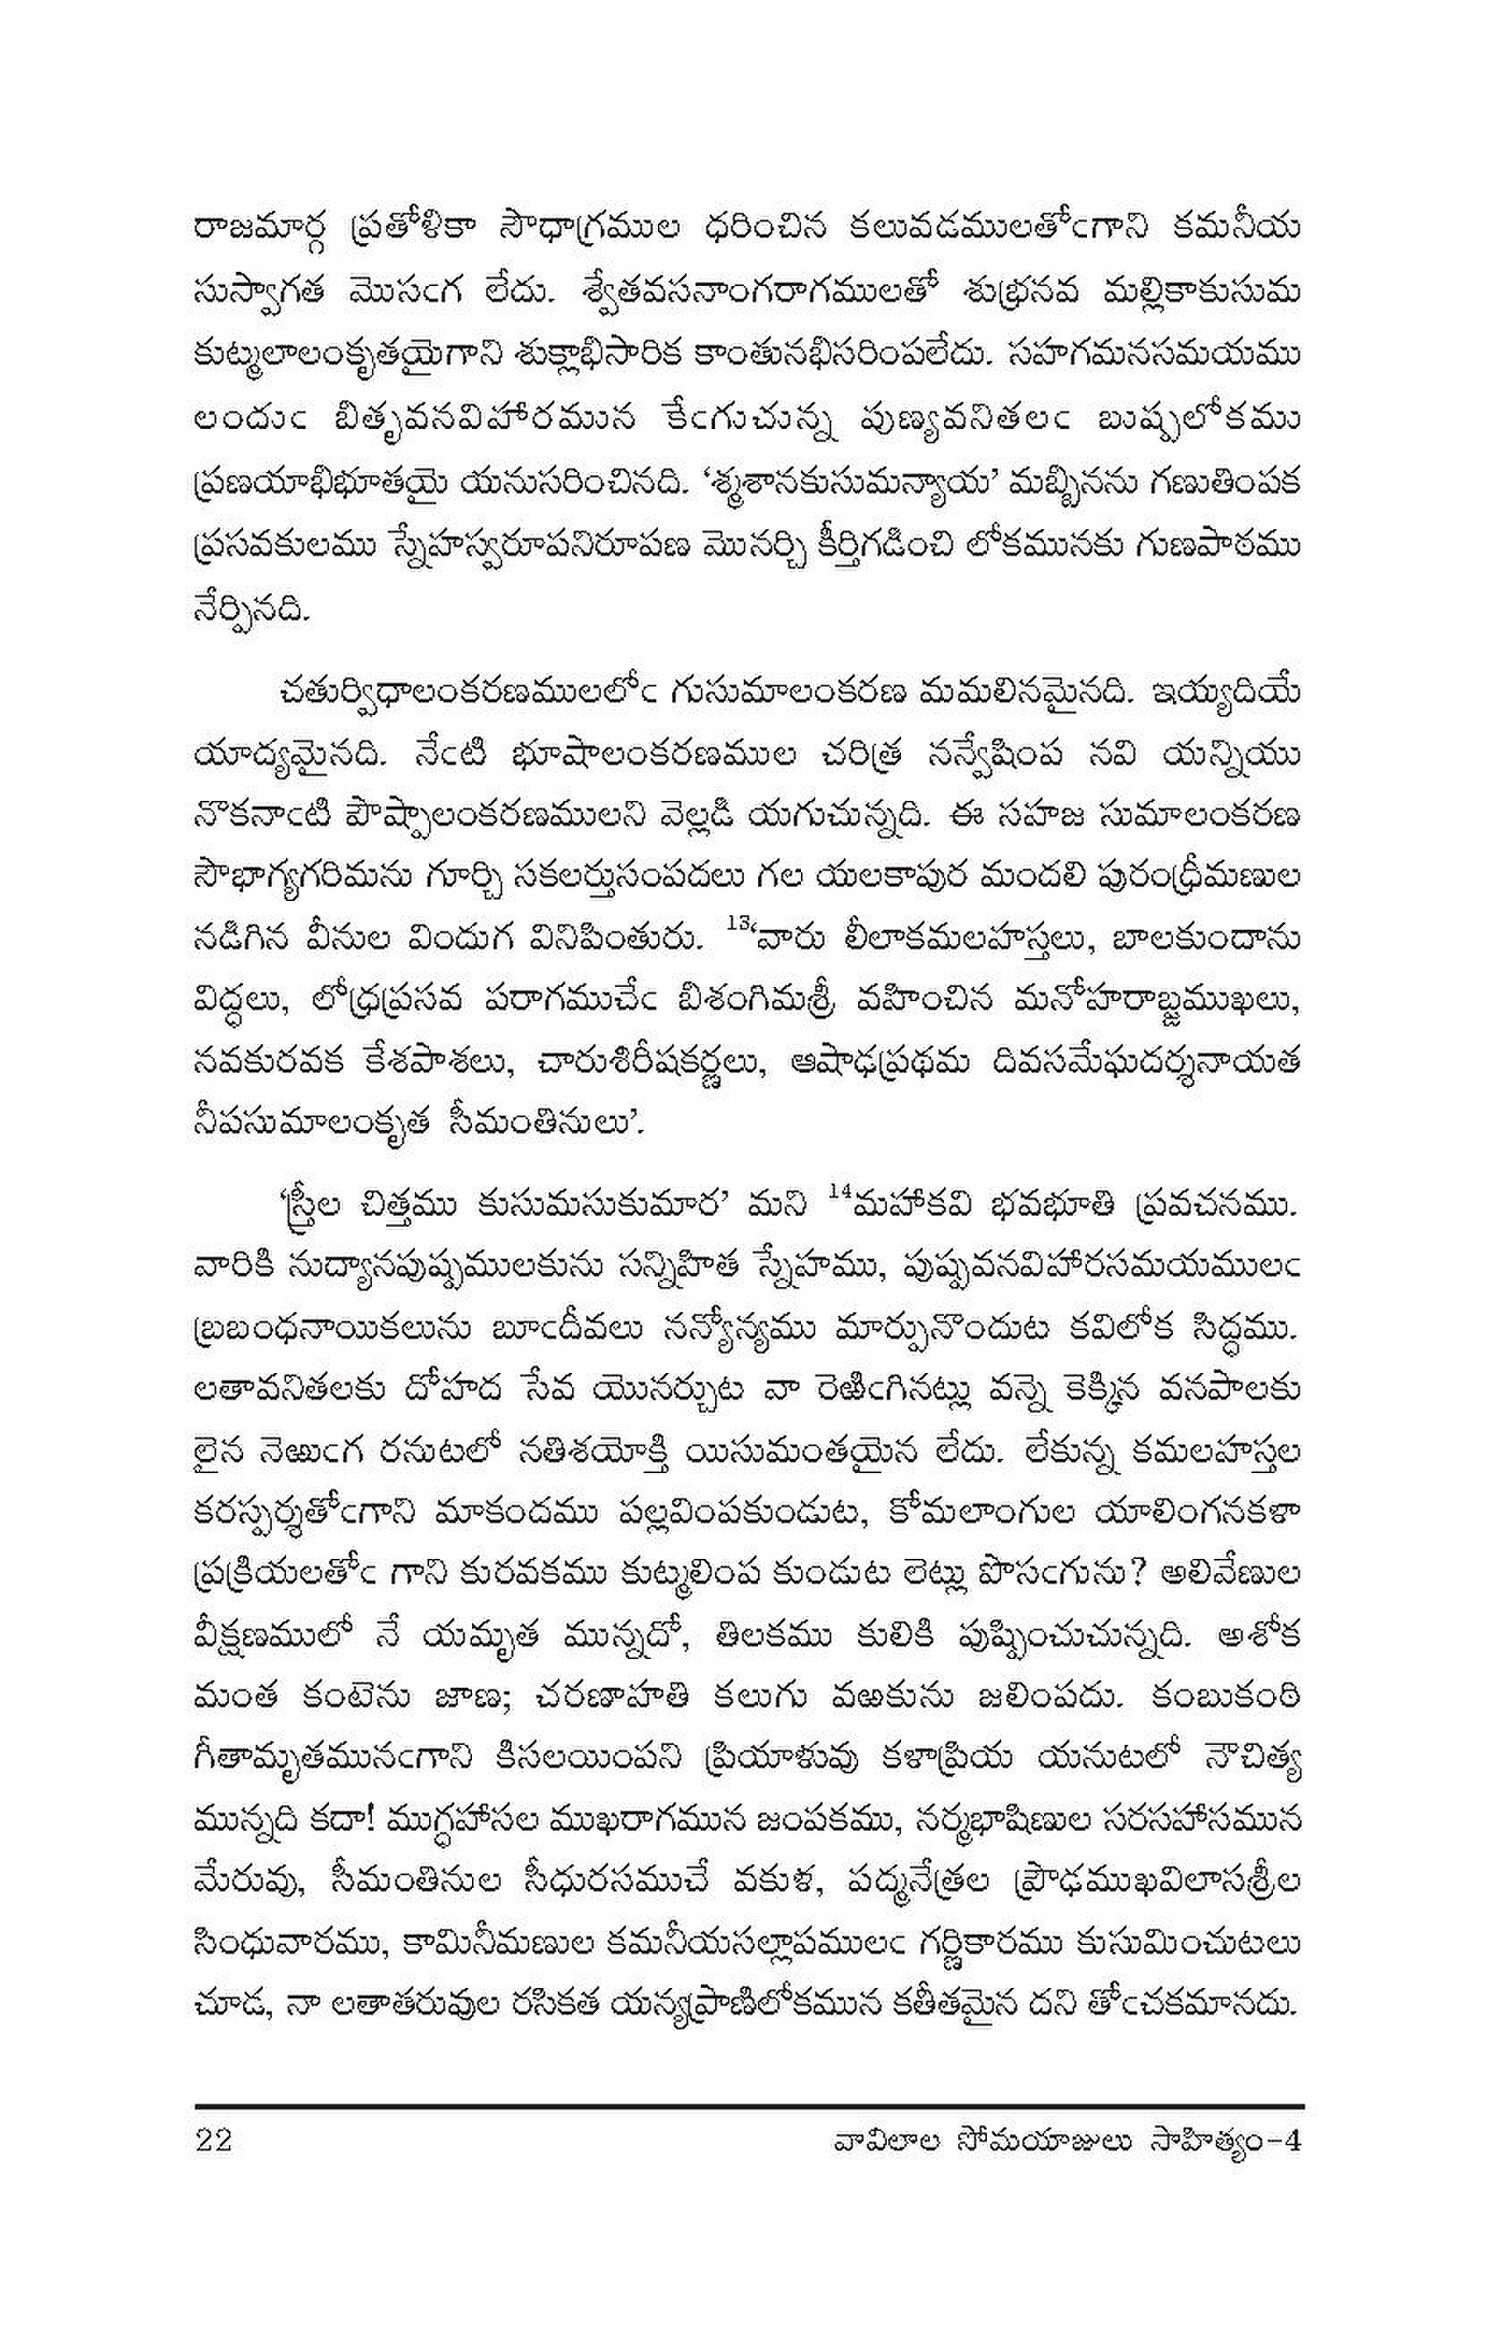రాజమార్గ ప్రతోళికా సౌధాగ్రములు ధరించిన కలువడములతోఁగాని కమనీయ
సుస్వాగత మొసఁగ లేదు. శ్వేతవసనాంగరాగములతో శుభ్రనవ మల్లికాకుసుమ
కుట్మలాలంకృతయైగాని శుక్లాభిసారిక కాంతునభిసరింపలేదు. సహగమనసమయము
లందుఁ బితృవనవిహారమున కేఁగుచున్న పుణ్యవనితలఁ బుష్పలోకము
ప్రణయాభిభూతయై యనుసరించినది. 'శ్మశానకుసుమన్యాయ' మబ్బినను గణుతింపక
ప్రసవకులము స్నేహస్వరూపనిరూపణ మొనర్చి కీర్తిగడించి లోకమునకు గుణపాఠము
నేర్పినది.

చతుర్విధాలంకరణములలోఁ గుసుమాలంకరణ మమలినమైనది. ఇయ్యదియే
యాద్యమైనది. నేఁటి భూషాలంకరణముల చరిత్ర నన్వేషింప నవి యన్నియు
నొకనాఁటి పౌష్పాలంకరణములని వెల్లడి యగుచున్నది. ఈ సహజ సుమాలంకరణ
సౌభాగ్యగరిమను గూర్చి సకలర్తుసంపదలు గల యలకాపుర మందలి పురంధ్రీమణుల
నడిగిన వీనుల విందుగ వినిపింతురు. వారు లీలాకమలహస్తలు, బాలకుందాను
విద్దలు, లోధ్రప్రసవ పరాగముచేఁ బిశంగిమశ్రీ వహించిన మనోహరాబ్జముఖలు,
నవకురవక కేశపాశలు, చారుశిరీషకర్ణలు, ఆషాఢప్రథమ దివసమేఘదర్శనాయత
నీపసుమాలంకృత సీమంతినులు”.

'స్త్రీల చిత్తము కుసుమసుకుమార' మని "మహాకవి భవభూతి ప్రవచనము.
వారికి నుద్యానపుష్పములకును సన్నిహిత స్నేహము, పుష్పవనవిహారసమయములఁ
బ్రబంధనాయికలును బూఁదీవలు నన్యోన్యము మార్పునొందుట కవిలోక సిద్ధము.
లతావనితలకు దోహద సేవ యొనర్చుట వా రెఱిఁగినట్లు వన్నె కెక్కిన వనపాలకు
లైన నెఱుఁగ రనుటలో నతిశయోక్తి యిసుమంతయైన లేదు. లేకున్న కమలహస్తల
కరస్పర్శతోఁగాని మాకందము పల్లవింపకుండుట, కోమలాంగుల యాలింగనకళా
ప్రక్రియలతోఁ గాని కురవకము కుట్మలింప కుండుట లెట్లు పొసఁగును? అలివేణుల
వీక్షణములో నే యమృత మున్నదో, తిలకము కులికి పుష్పించుచున్నది. అశోక
మంత కంటెను జాణ; చరణాహతి కలుగు వఱకును జలింపదు. కంబుకంఠి
గీతామృతమునఁగాని కిసలయింపని ప్రియాళువు కళాప్రియ యనుటలో నౌచిత్య
మున్నది కదా! ముగ్ధహాసల ముఖరాగమున జంపకము, నర్మభాషిణుల సరసహాసమున
మేరువు, సీమంతినుల సీధురసముచే వకుళ, పద్మనేత్రల ప్రౌఢముఖవిలాసశ్రీల
సింధువారము, కామినీమణుల కమనీయసల్లాపములఁ గర్ణికారము కుసుమించుటలు
చూడ, నా లతాతరువుల రసికత యన్యప్రాణిలోకమున కతీతమైన దని తోఁచకమానదు.